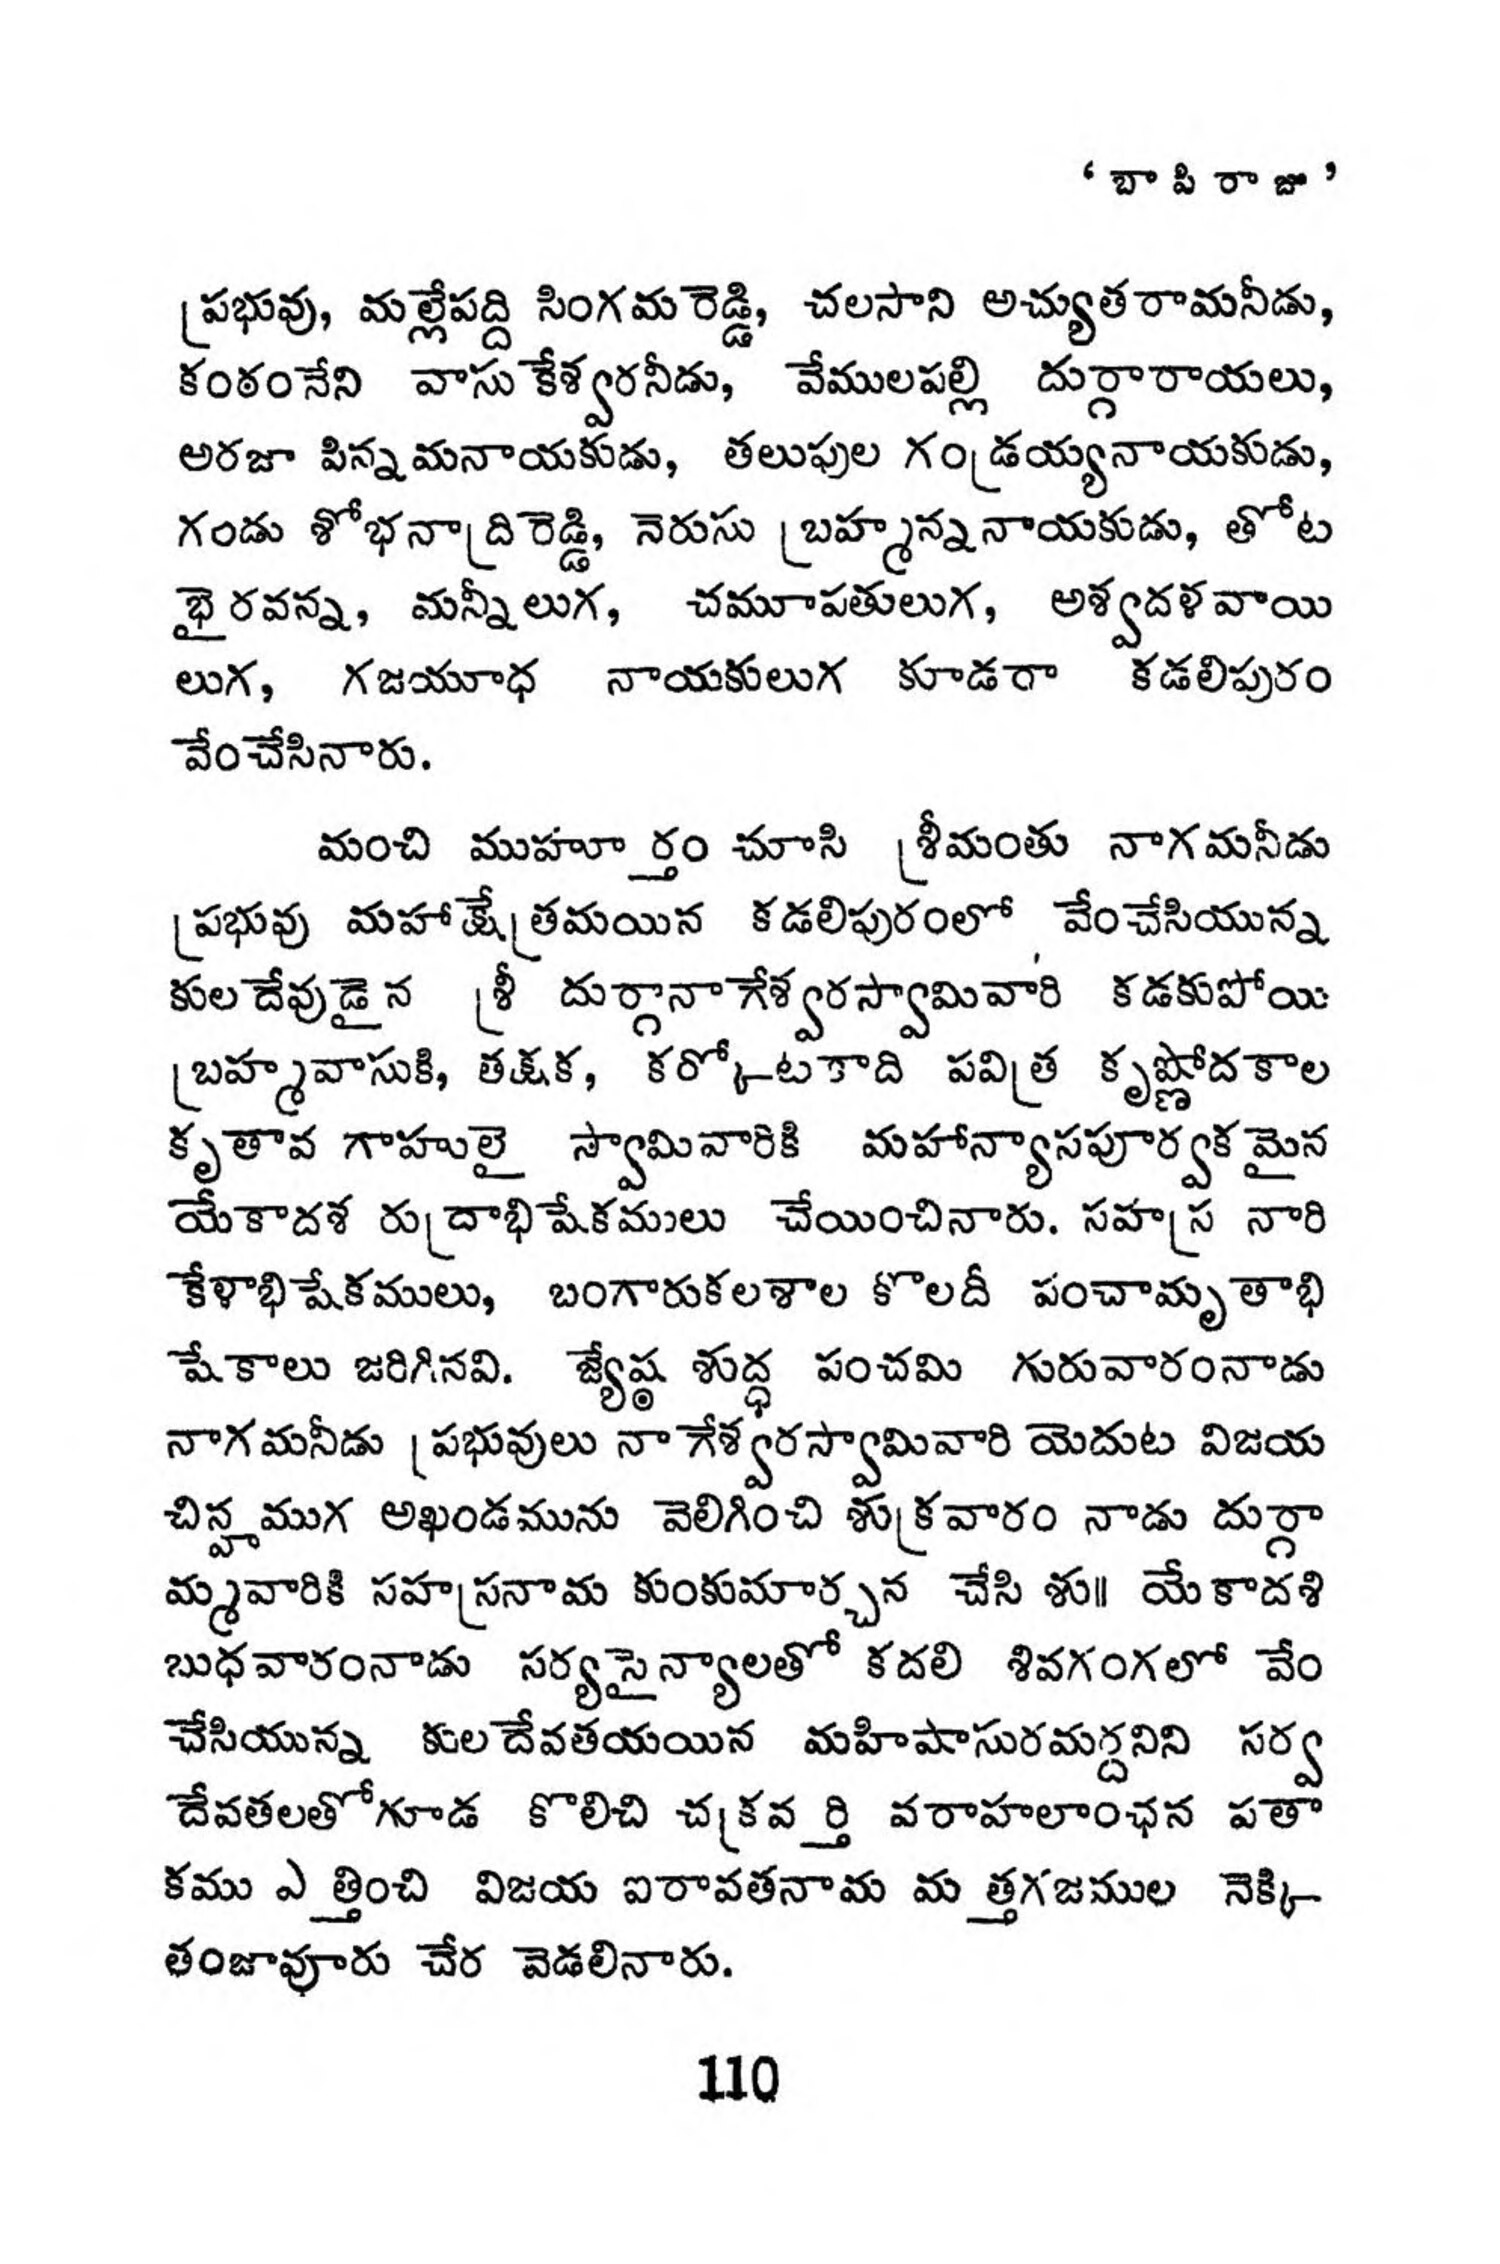ప్రభువు, మల్లేపద్ది సింగమరెడ్డి, చలసాని అచ్యుతరామనీడు, కంఠంనేని వాసుకేశ్వరనీడు, వేములపల్లి దుర్గారాయలు, అరజా పిన్నమనాయకుడు, తలుపుల గండ్రయ్యనాయకుడు, గండు శోభనాద్రిరెడ్డి, నెరుసు బ్రహ్మన్ననాయకుడు, తోట భైరవన్న, మన్నీలుగ, చమూపతులుగ, అశ్వదళవాయిలుగ, గజయూధ నాయకులుగ కూడరా కడలిపురం వేంచేసినారు.

మంచి ముహూర్తం చూసి శ్రీమంతు నాగమనీడు ప్రభువు మహాక్షేత్రమయిన కడలిపురంలో వేంచేసియున్న కులదేవుడైన శ్రీ దుర్గానాగేశ్వరస్వామివారి కడకుపోయి బ్రహ్మవాసుకి, తక్షక, కర్కోటకాది పవిత్ర కృష్ణోదకాల కృతావ గాహులై స్వామివారికి మహాన్యాసపూర్వకమైన యేకాదశ రుద్రాభిషేకములు చేయించినారు. సహస్ర నారికేళాభిషేకములు, బంగారుకలశాల కొలదీ పంచామృతాభిషేకాలు జరిగినవి. జ్యేష్ఠ శుద్ధ పంచమి గురువారంనాడు నాగమనీడు ప్రభువులు నాగేశ్వరస్వామివారి యెదుట విజయ చిన్హముగ అఖండమును వెలిగించి శుక్రవారం నాడు దుర్గామ్మవారికి సహస్రనామ కుంకుమార్చన చేసి శు|| యేకాదశి బుధవారంనాడు సర్యసైన్యాలతో కదలి శివగంగలో వేంచేసియున్న కులదేవతయయిన మహిషాసురమర్దనిని సర్వ దేవతలతోగూడ కొలిచి చక్రవర్తి వరాహలాంఛన పతాకము ఎత్తించి విజయ ఐరావతనామ మత్తగజముల నెక్కి తంజావూరు చేర వెడలినారు.